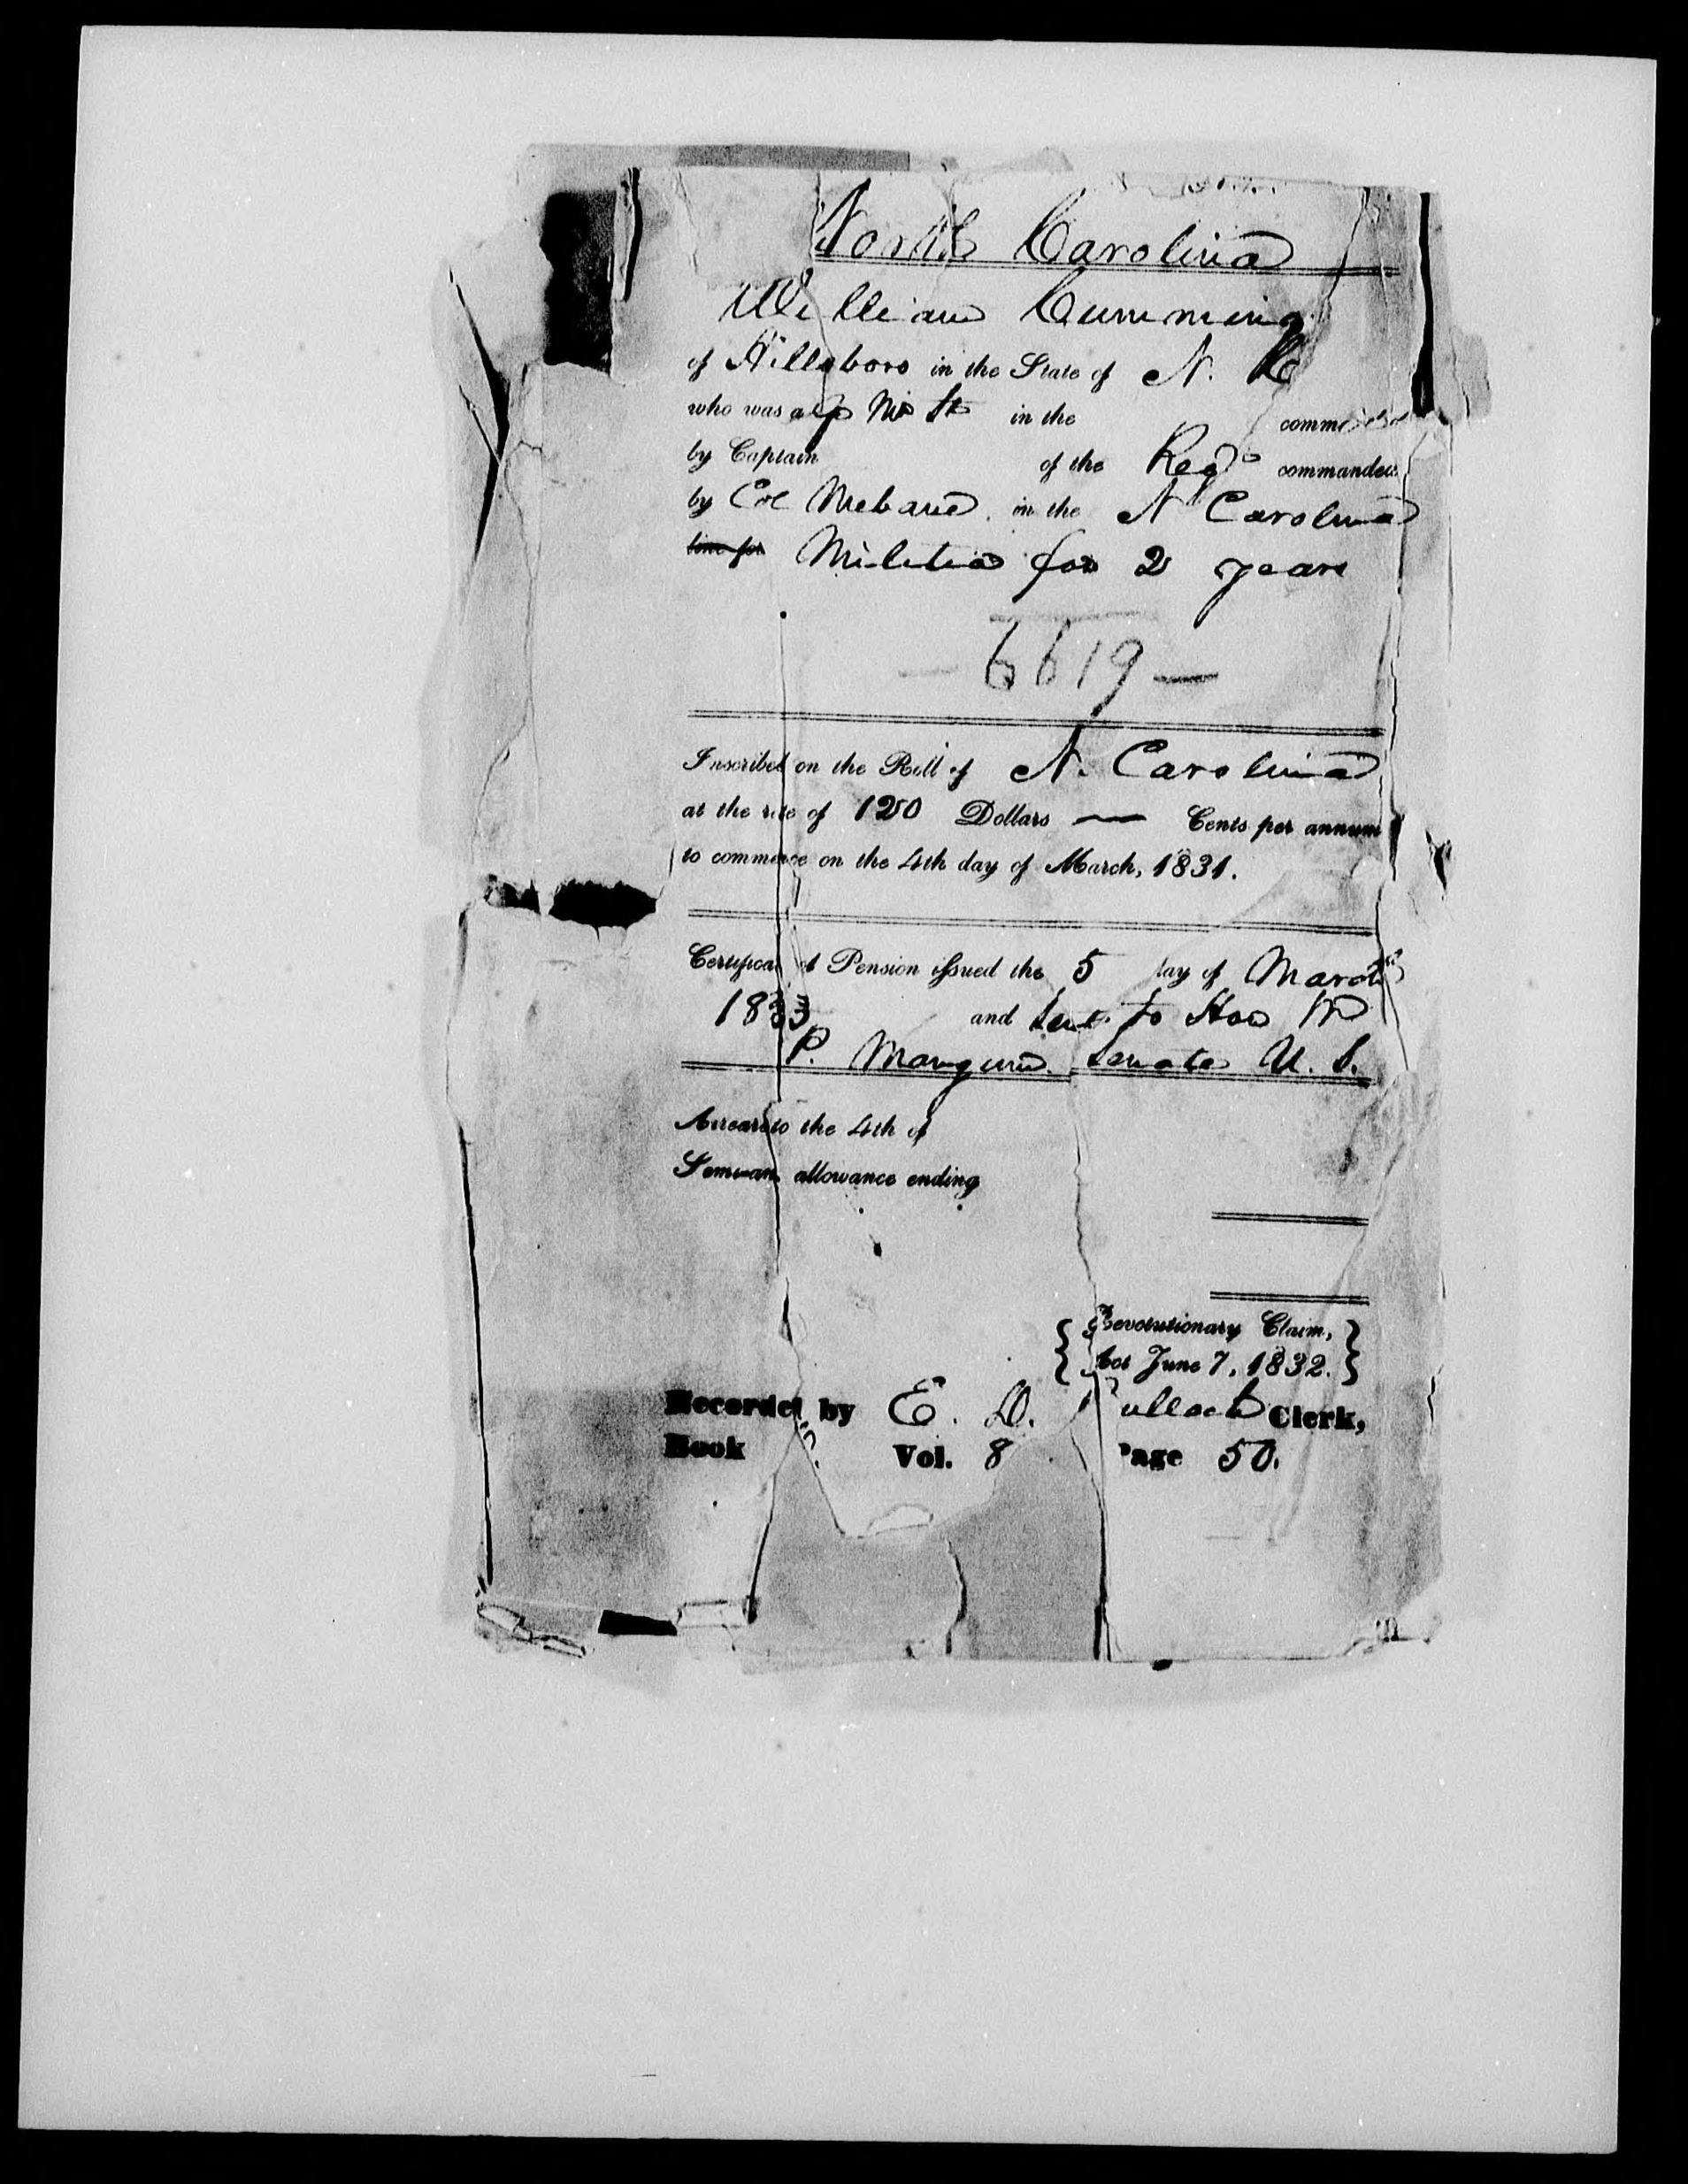[Printed form with handwritten notations.  Well-worn record with multiple tears on page edges.]

North Carolina
_______________________________
_______________________________
William Cumming of Hillsboro in the State of N. C who was a Qr [?] Ms Sr [? Quarter Master] in the ____ comm- [probably meaning word "commanded;" part of word is missing due to torn paper edge] by Captain ____ of the Reg [Regiment] command- [probably meaning "commanded;" partial word due to torn paper edge] by Col Mebane. in the N Carolina ["line for" was crossed through] Militia for 2 years

6619 [was added in by a different handwriting style, in what looks like grease pencil]
_______________________________________________________________________________________________________________________
_______________________________________________________________________________________________________________________
Inscribed on the Roll of N. Carolina at the rae of 120 Dollars ~~ Cents per annum to commence on the 4th day of March, 1831 [or 1834].

Certificate of Pension issued the 5th day of March 1833 and Sent. to Hon W. P. Mangum. Sent. to U.S.
______________________________________________________________________________________________________________________
______________________________________________________________________________________________________________________

Arrears to the 4th of ______________________
Semi-anl. allowance ending ___________________
                                             ___________________


                                             ___________________
                                             ___________________

(Revolutionary Claim,)
(Act June 7, 1832.)

Recorded by E. D. _ullock [Bullock or Bulloch] Clerk,
Book [illegible]  Vol. 8 Page 50.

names: William Cumming, W P Mangum, Mc Cane, E D Bullock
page: 13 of 145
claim: survivor's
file: S. 8265, William Cumming, N.C.